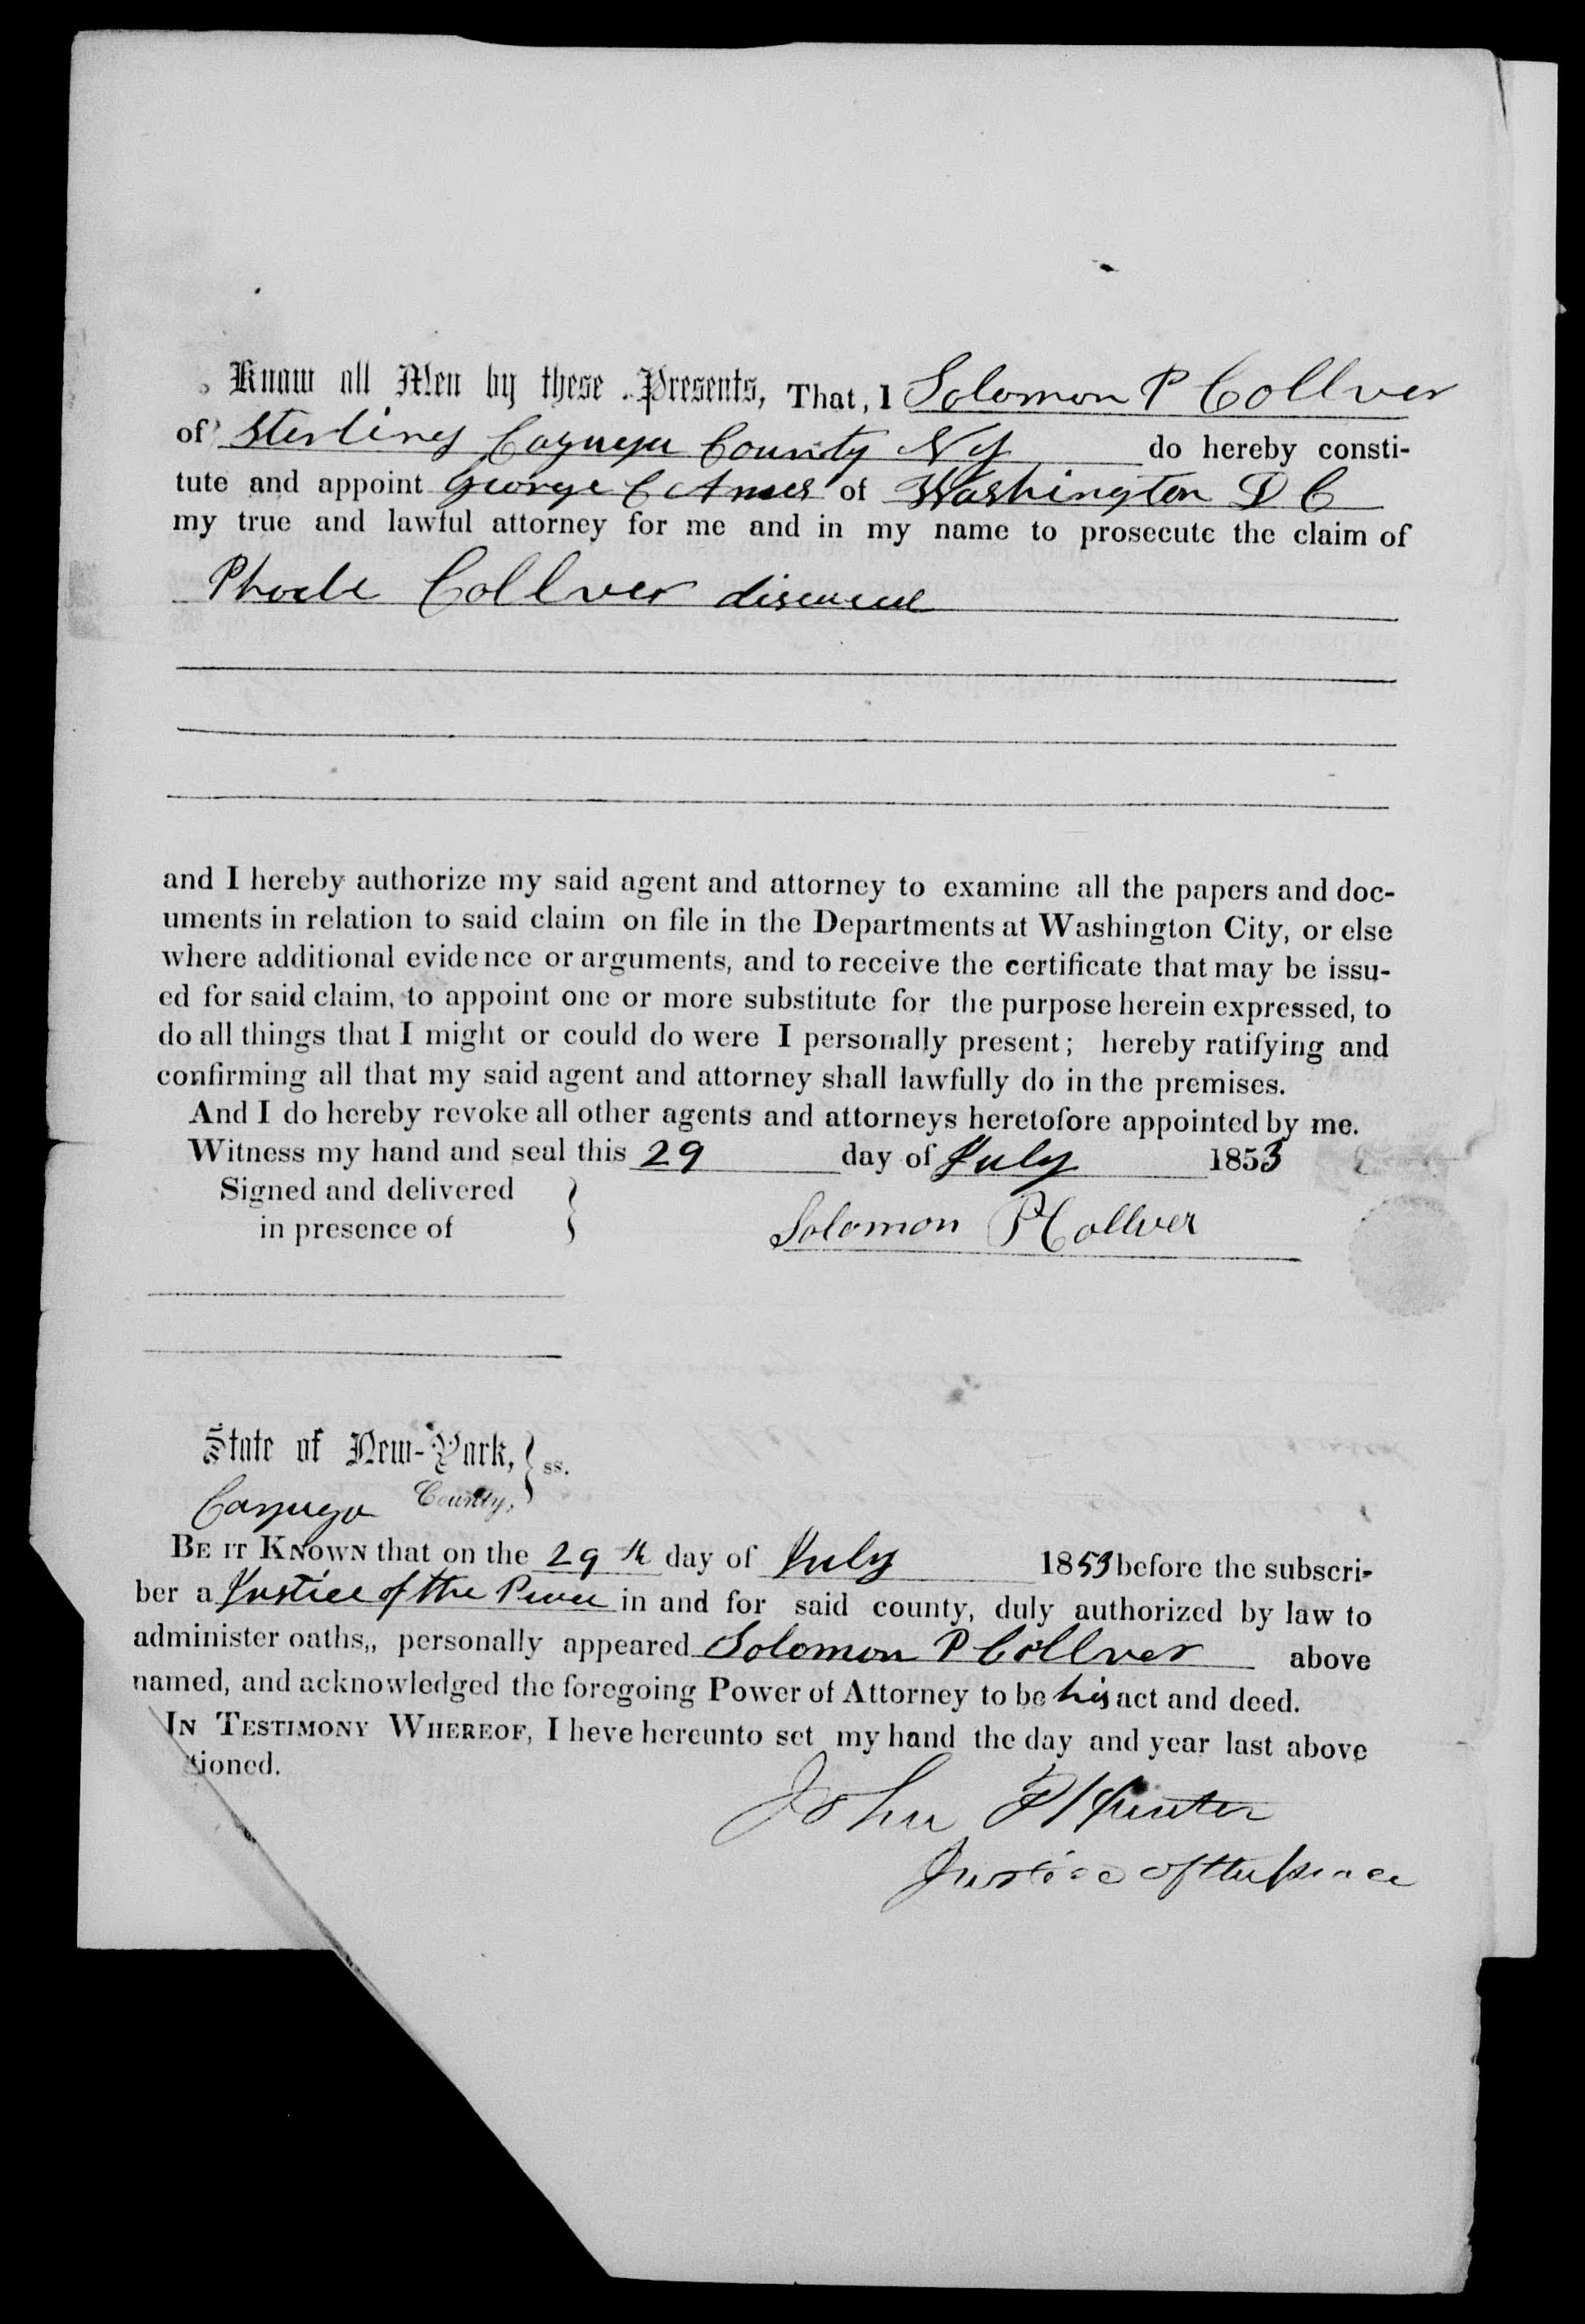Know all Men by the Presents that, I Solom P. Collver
of Sterling Cayunga County NY do hereby constitute
and appoint George Ames of Washington DC 
my true and lawful attorney for me and in my name to prosecute the claim of 
Phebe Collver deceased
and I hereby authorize my said agent and attorney to examine all the papers and documents in relation to said claim on file in the Departments of Washington City, or else where additional evidence or arguments, and to receive the certificate that may be issued for said claim, to appoint one or more substitute for the purpose herein express, to do all things that I might or could do were I personally present; hereby ratifying and confirming all that my said agent and attorney shall lawfully do in the premises.
And I do hereby revoke all other agents and attorneys heretofore appointed by me.
Witness my hand and seal this 29 day of July 1854

Signed and delivered 
in the presence of 				Solomon P Collver [signature]

State of New York     )
County of Cayuga    )   ss.

Be it known that on the 29th day of July 1853 before the subscriber a Justice of the Pease in and for said county, duly authorized by law to administer oaths,, (sic) personally appeared Soloman P Collver above named,  and acknowledge the foregoing Power of Attorney to be his act and deed.
In Testimony Whereof, I have hereunto set my hand the day and year last above mentioned.

John P Hunter [signature]
Justice of the Peace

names: Solomon P Collver, John P Hunter, Phoebe Collver, Solomon P Collver, George C Ames, Solomon P Collver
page: 15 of 40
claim: rejected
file: R. 1,570, Samuel Culver, New Jersey